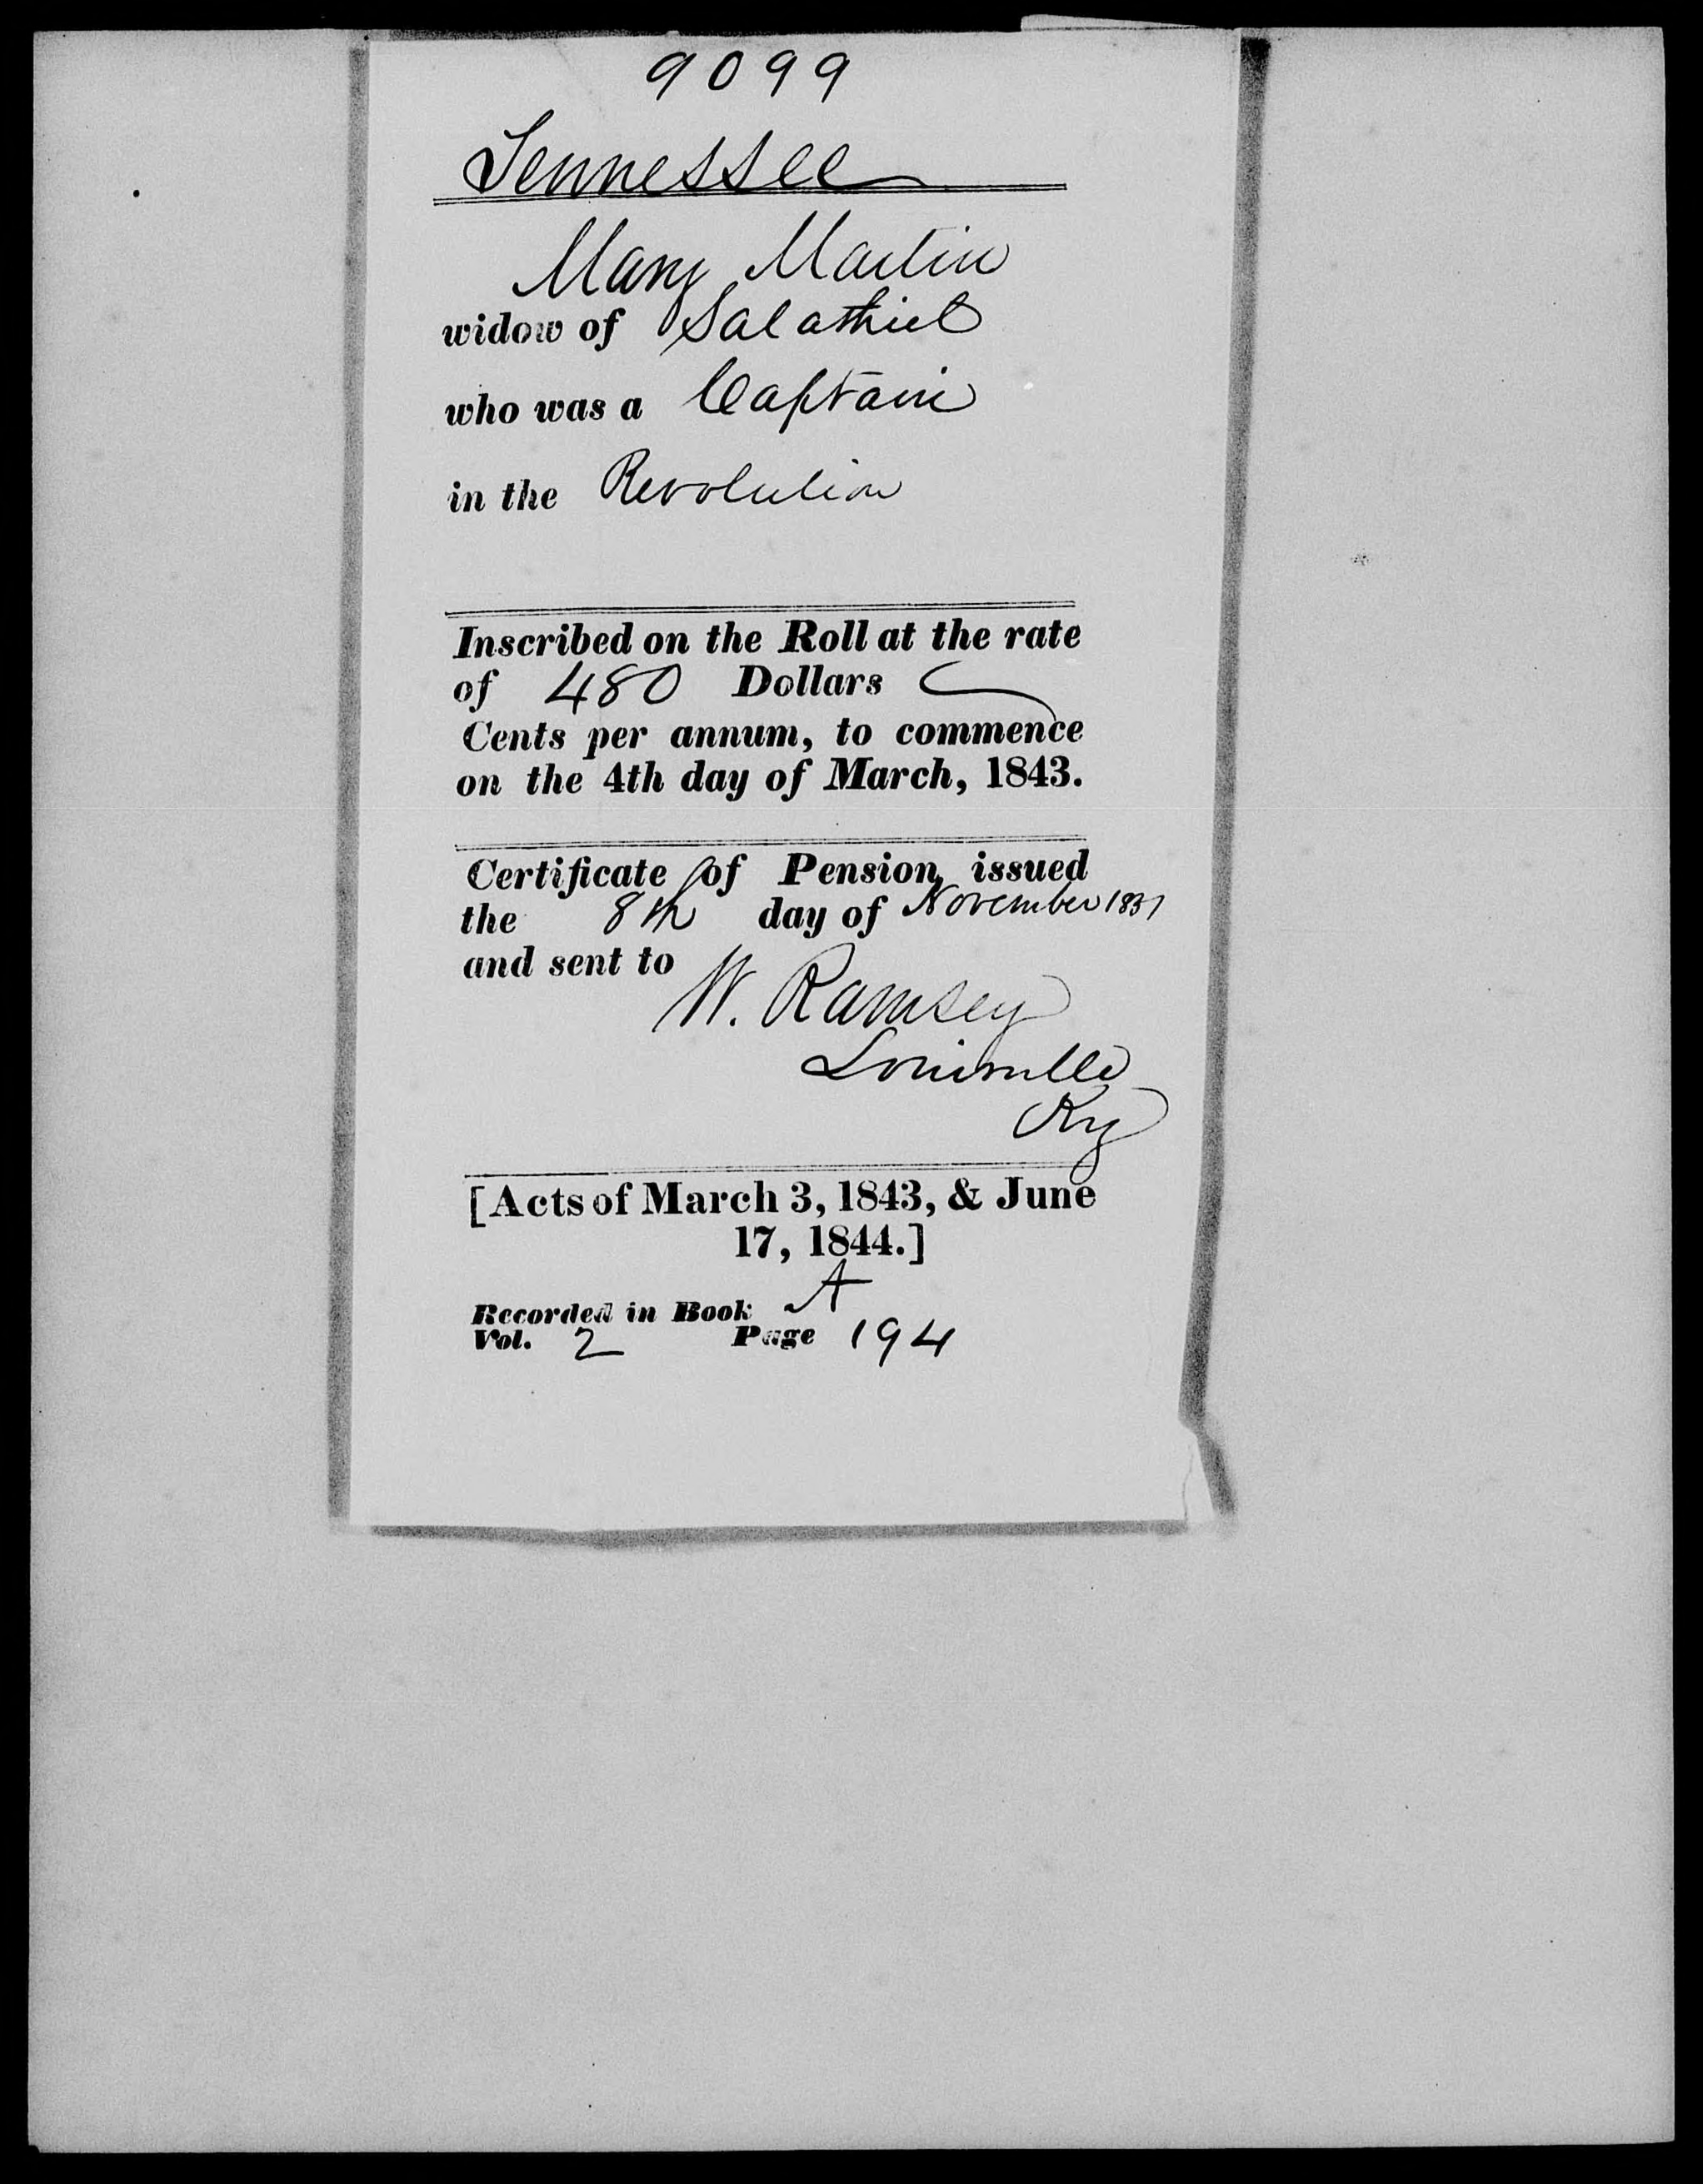[printed form, handwritten responses]
9099
Tennessee
Mary Martin
widow of Salathiel
who was a Captain
in the Revolution
Inscribed on the Roll at the rate
of 480 Dollars [blank]
Cents per annum, to commence
on the 4th day of March, 1843. 

Certificate of Pension issued
the 8th day of November 1851
and sent to
W. Ramsey
Louisville
Ky
[Acts of March 3, 1843, & June
17, 1844.]
Recorded in Book A
Vol. 2 Page 194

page: 99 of 120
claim: widow's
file: W. 1044, for Salathiel Martin, North Carolina